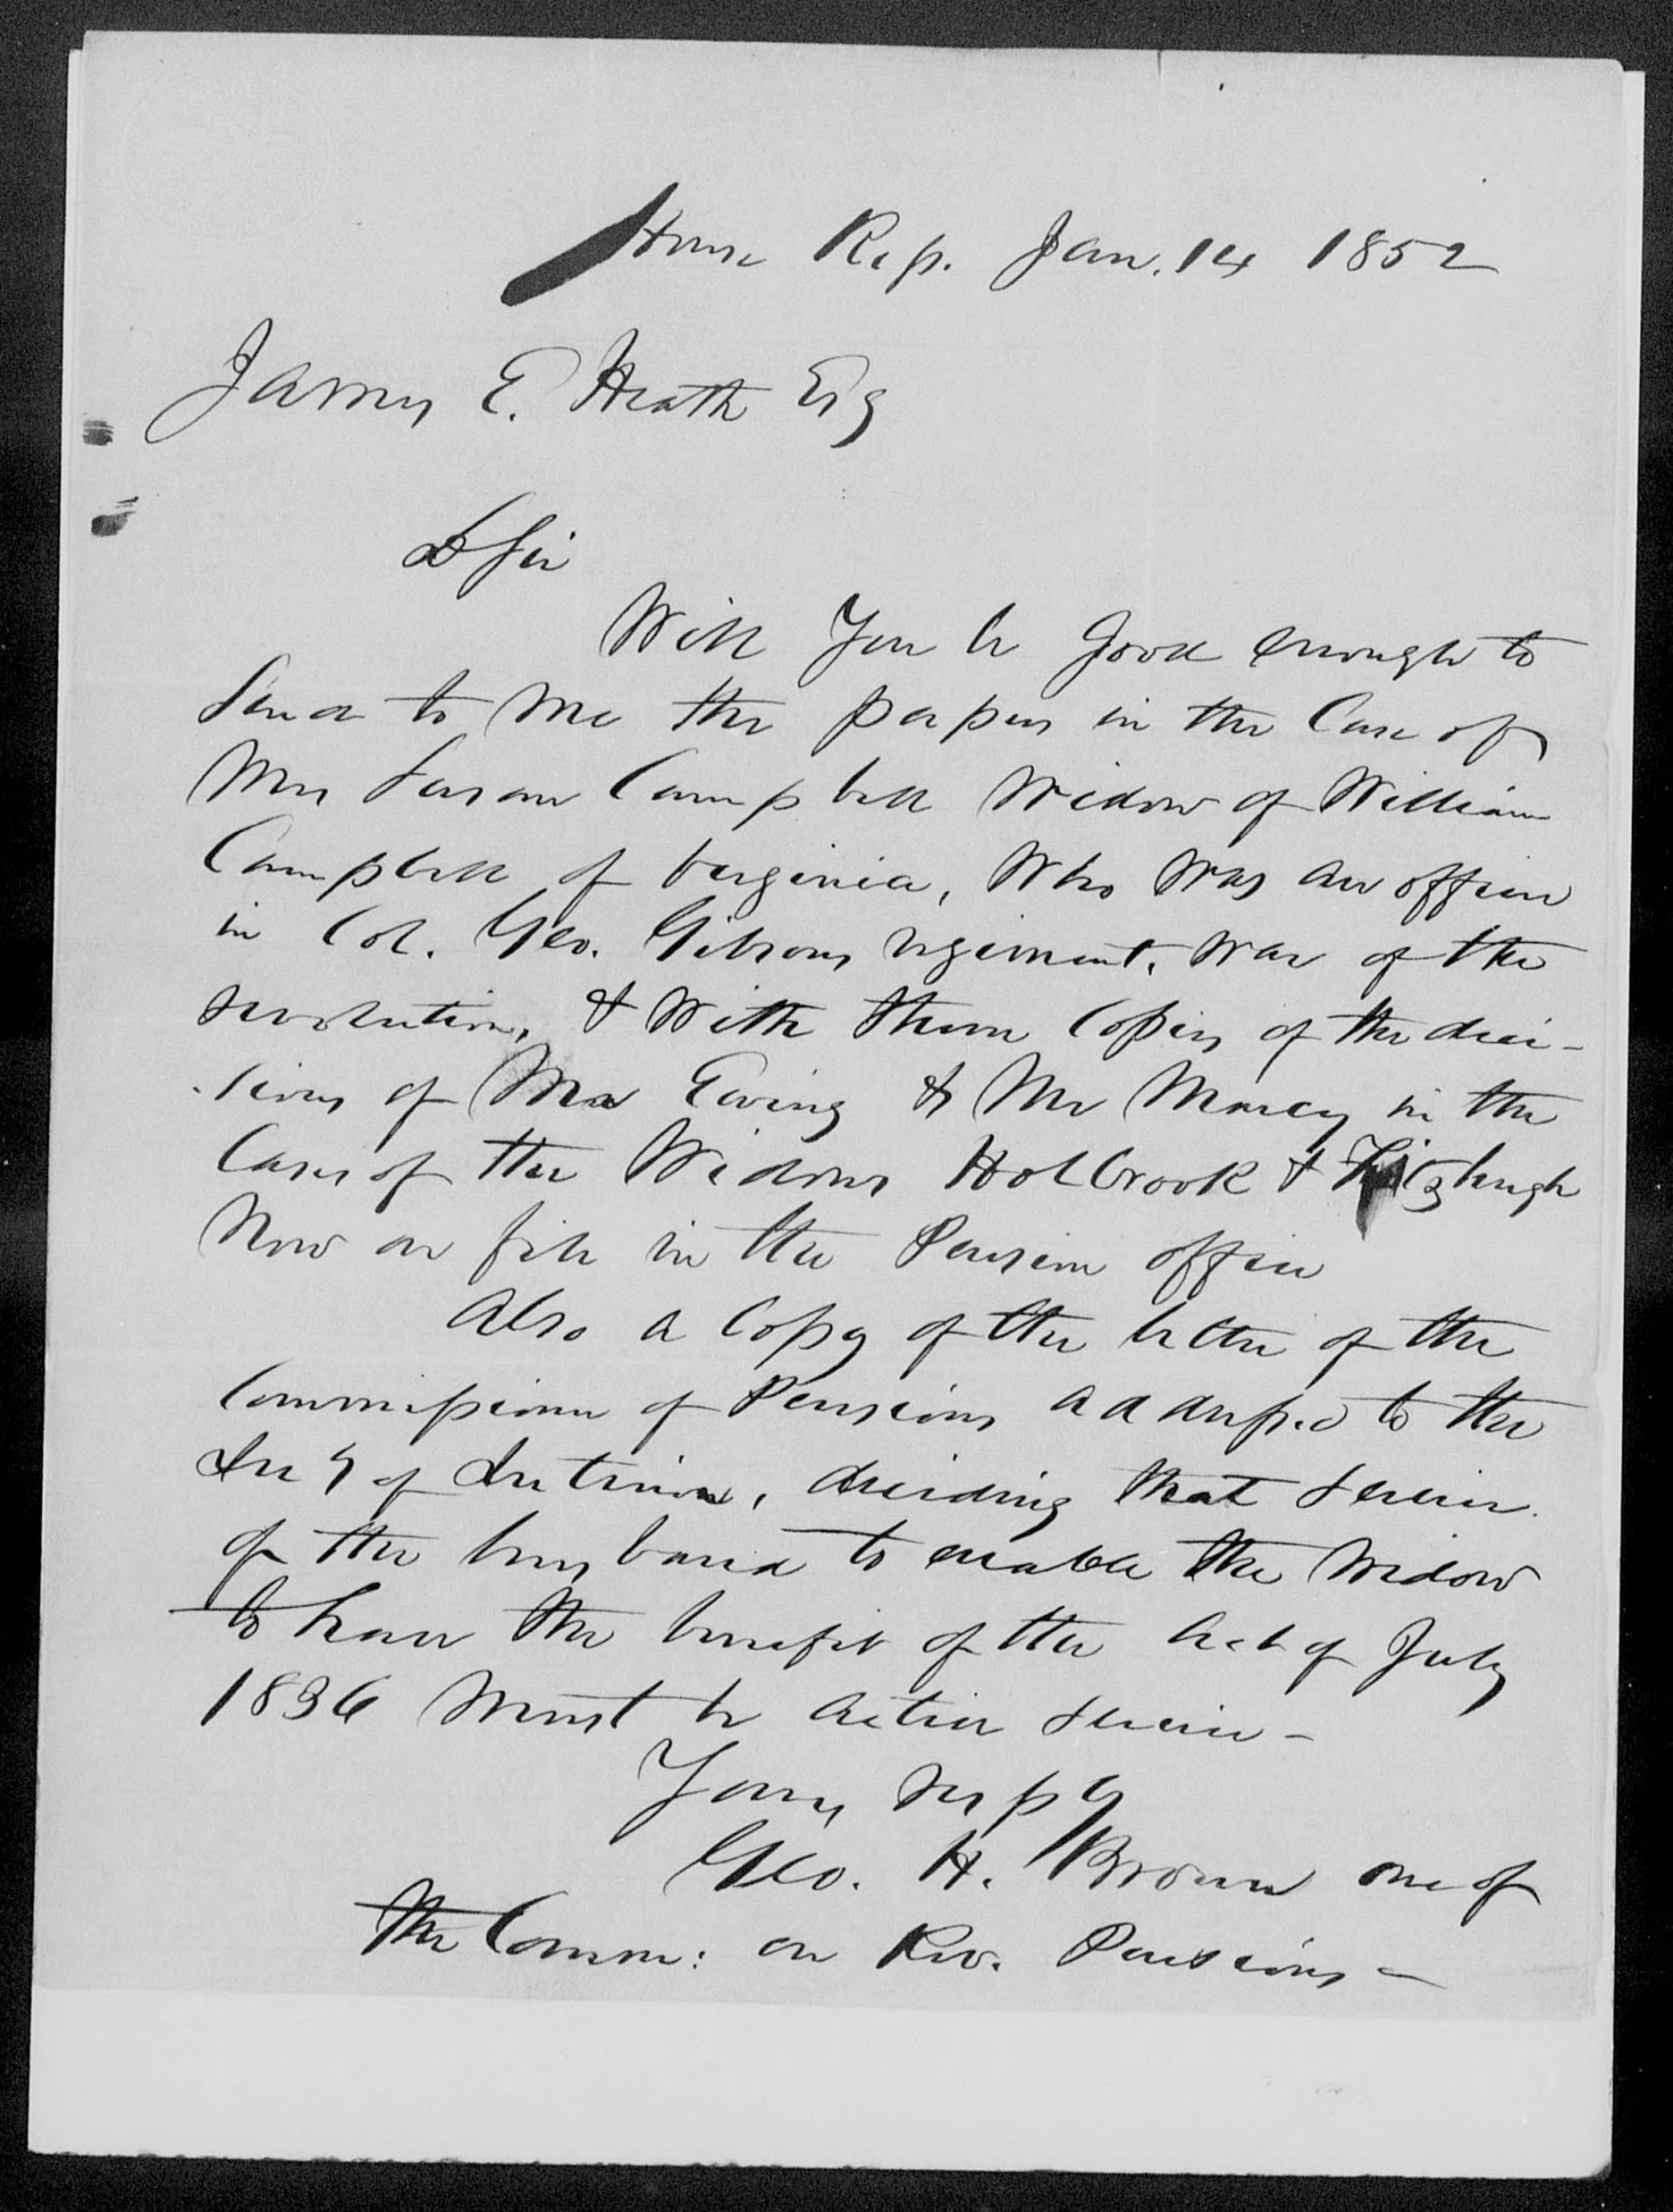House Rep. Jan, 14 1852
James E. Heath Esq

D Sir
Will you be good enough to Send to me the papers in the Case of Mrs Susan Campbell Widow of William Campbell of Virginia, Who was an officer in Col. Geo. Gibsons regiment, War of the revolution, & With them Copies of the decisions of Mr Ewing & Mr Marcy in the Case of the Widows Holbrook & Fitzhugh Now on file in the Pension office
Also a Copy of the letter of the Commissioner of Pensions addressed to the In of Justice, deciding that Service of the husband to enable the Widow to have the benefit of the Act of July 1836 Must be Active & [illegible]-
Yours respy
Geo. H. Brown one of
the Comm: on Rev. Pensions -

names: James E Heath, Holbrook, Susan Campbell, William Campbell, Fitzhugh, Ewing, Geo H Brown, Marcy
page: 128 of 267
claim: widow's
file: W. 4,149, William Campbell, Va.